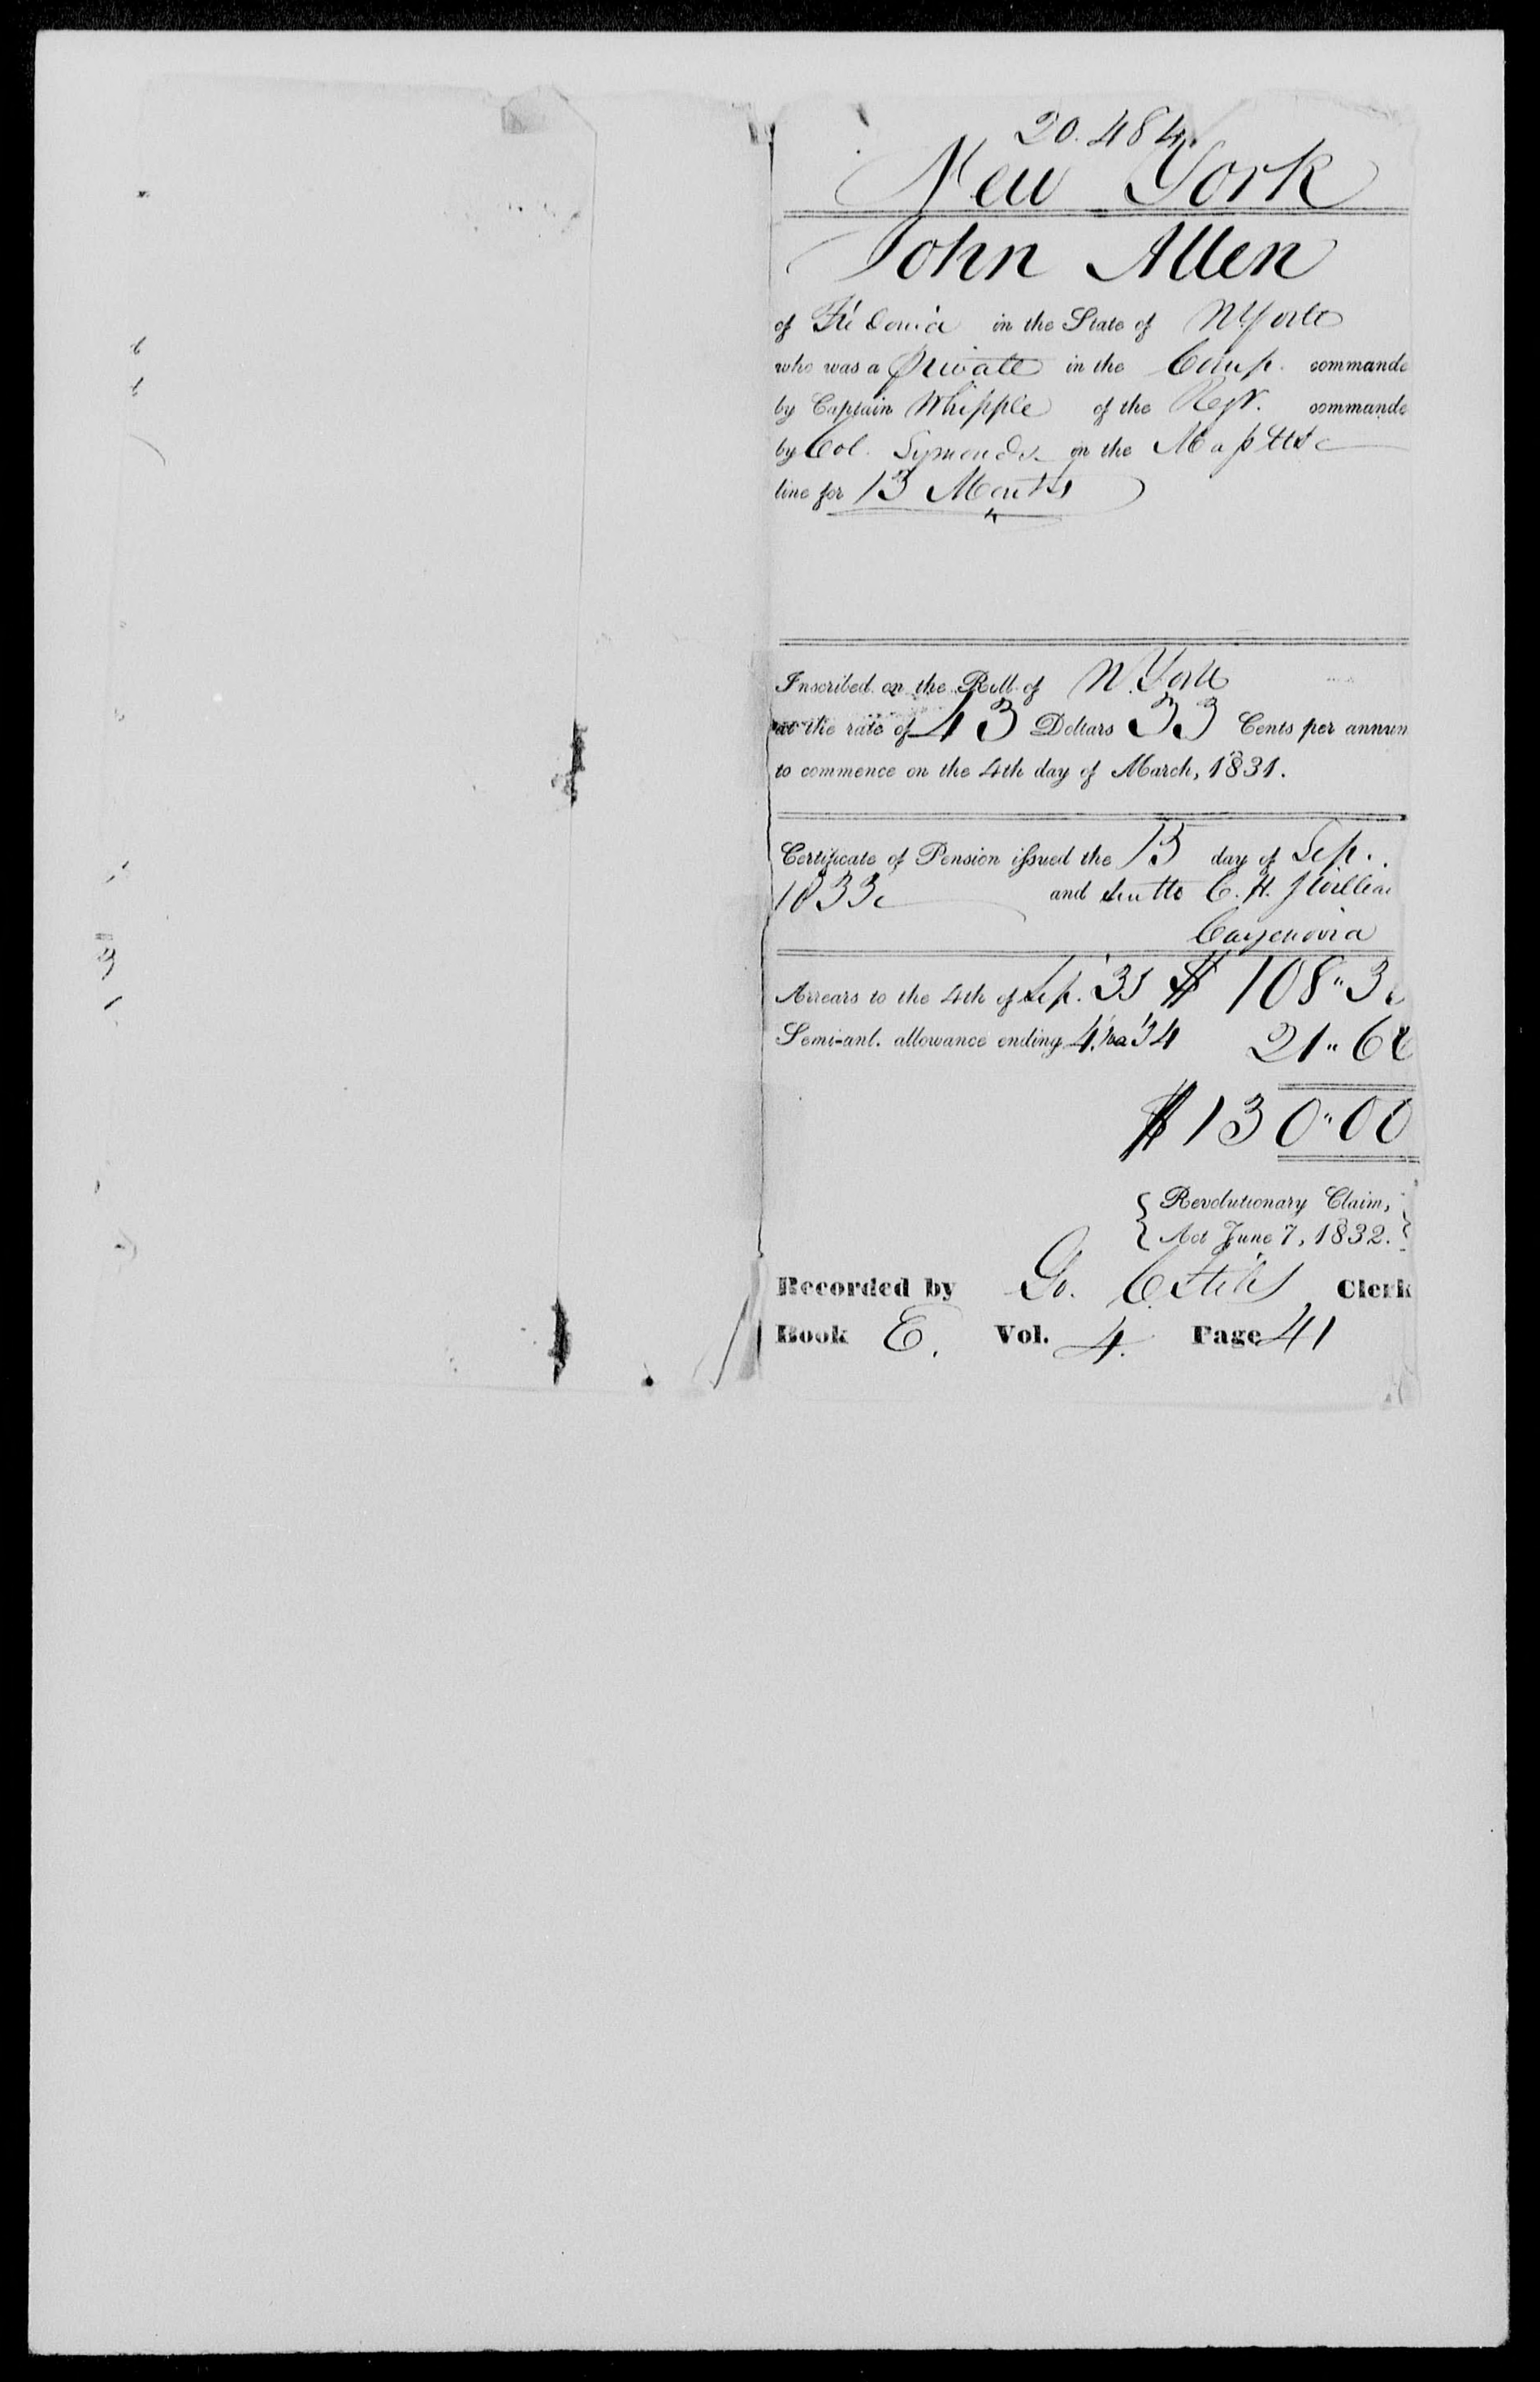20. 484
New York
John Allen
of Fridonia [Fredonia] in the State of NYork
who was a private in the Comp. command
by Captain Whipple of the Regt commanded
by Col. Symonds on the Mass state
line for 13 months
Inscribed on the Roll of N. York
to the rate of 43 Dollars 33 Cents per annum
to commence on the 4th day of March, 1831.
Certificate of Pension issued the 15 day of Sep. 1833
and sent C. H. William
Cazenovia
Arrears to the 4th of Sep. 31 $108”30
Semi-anl. allowance ending 4 [illegible] ’14  21”66
$130.00
{Revolutionary Claim,
Act June 7, 1832.}
Recorded by Go. C. Stiles Clerk
Book E. Vol. 4 Page 41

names: John Allen, Whipple, Go C Stiles, C H J, Symonds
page: 2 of 74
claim: widow's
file: W. 23424, John Allen, Mass. R. I.